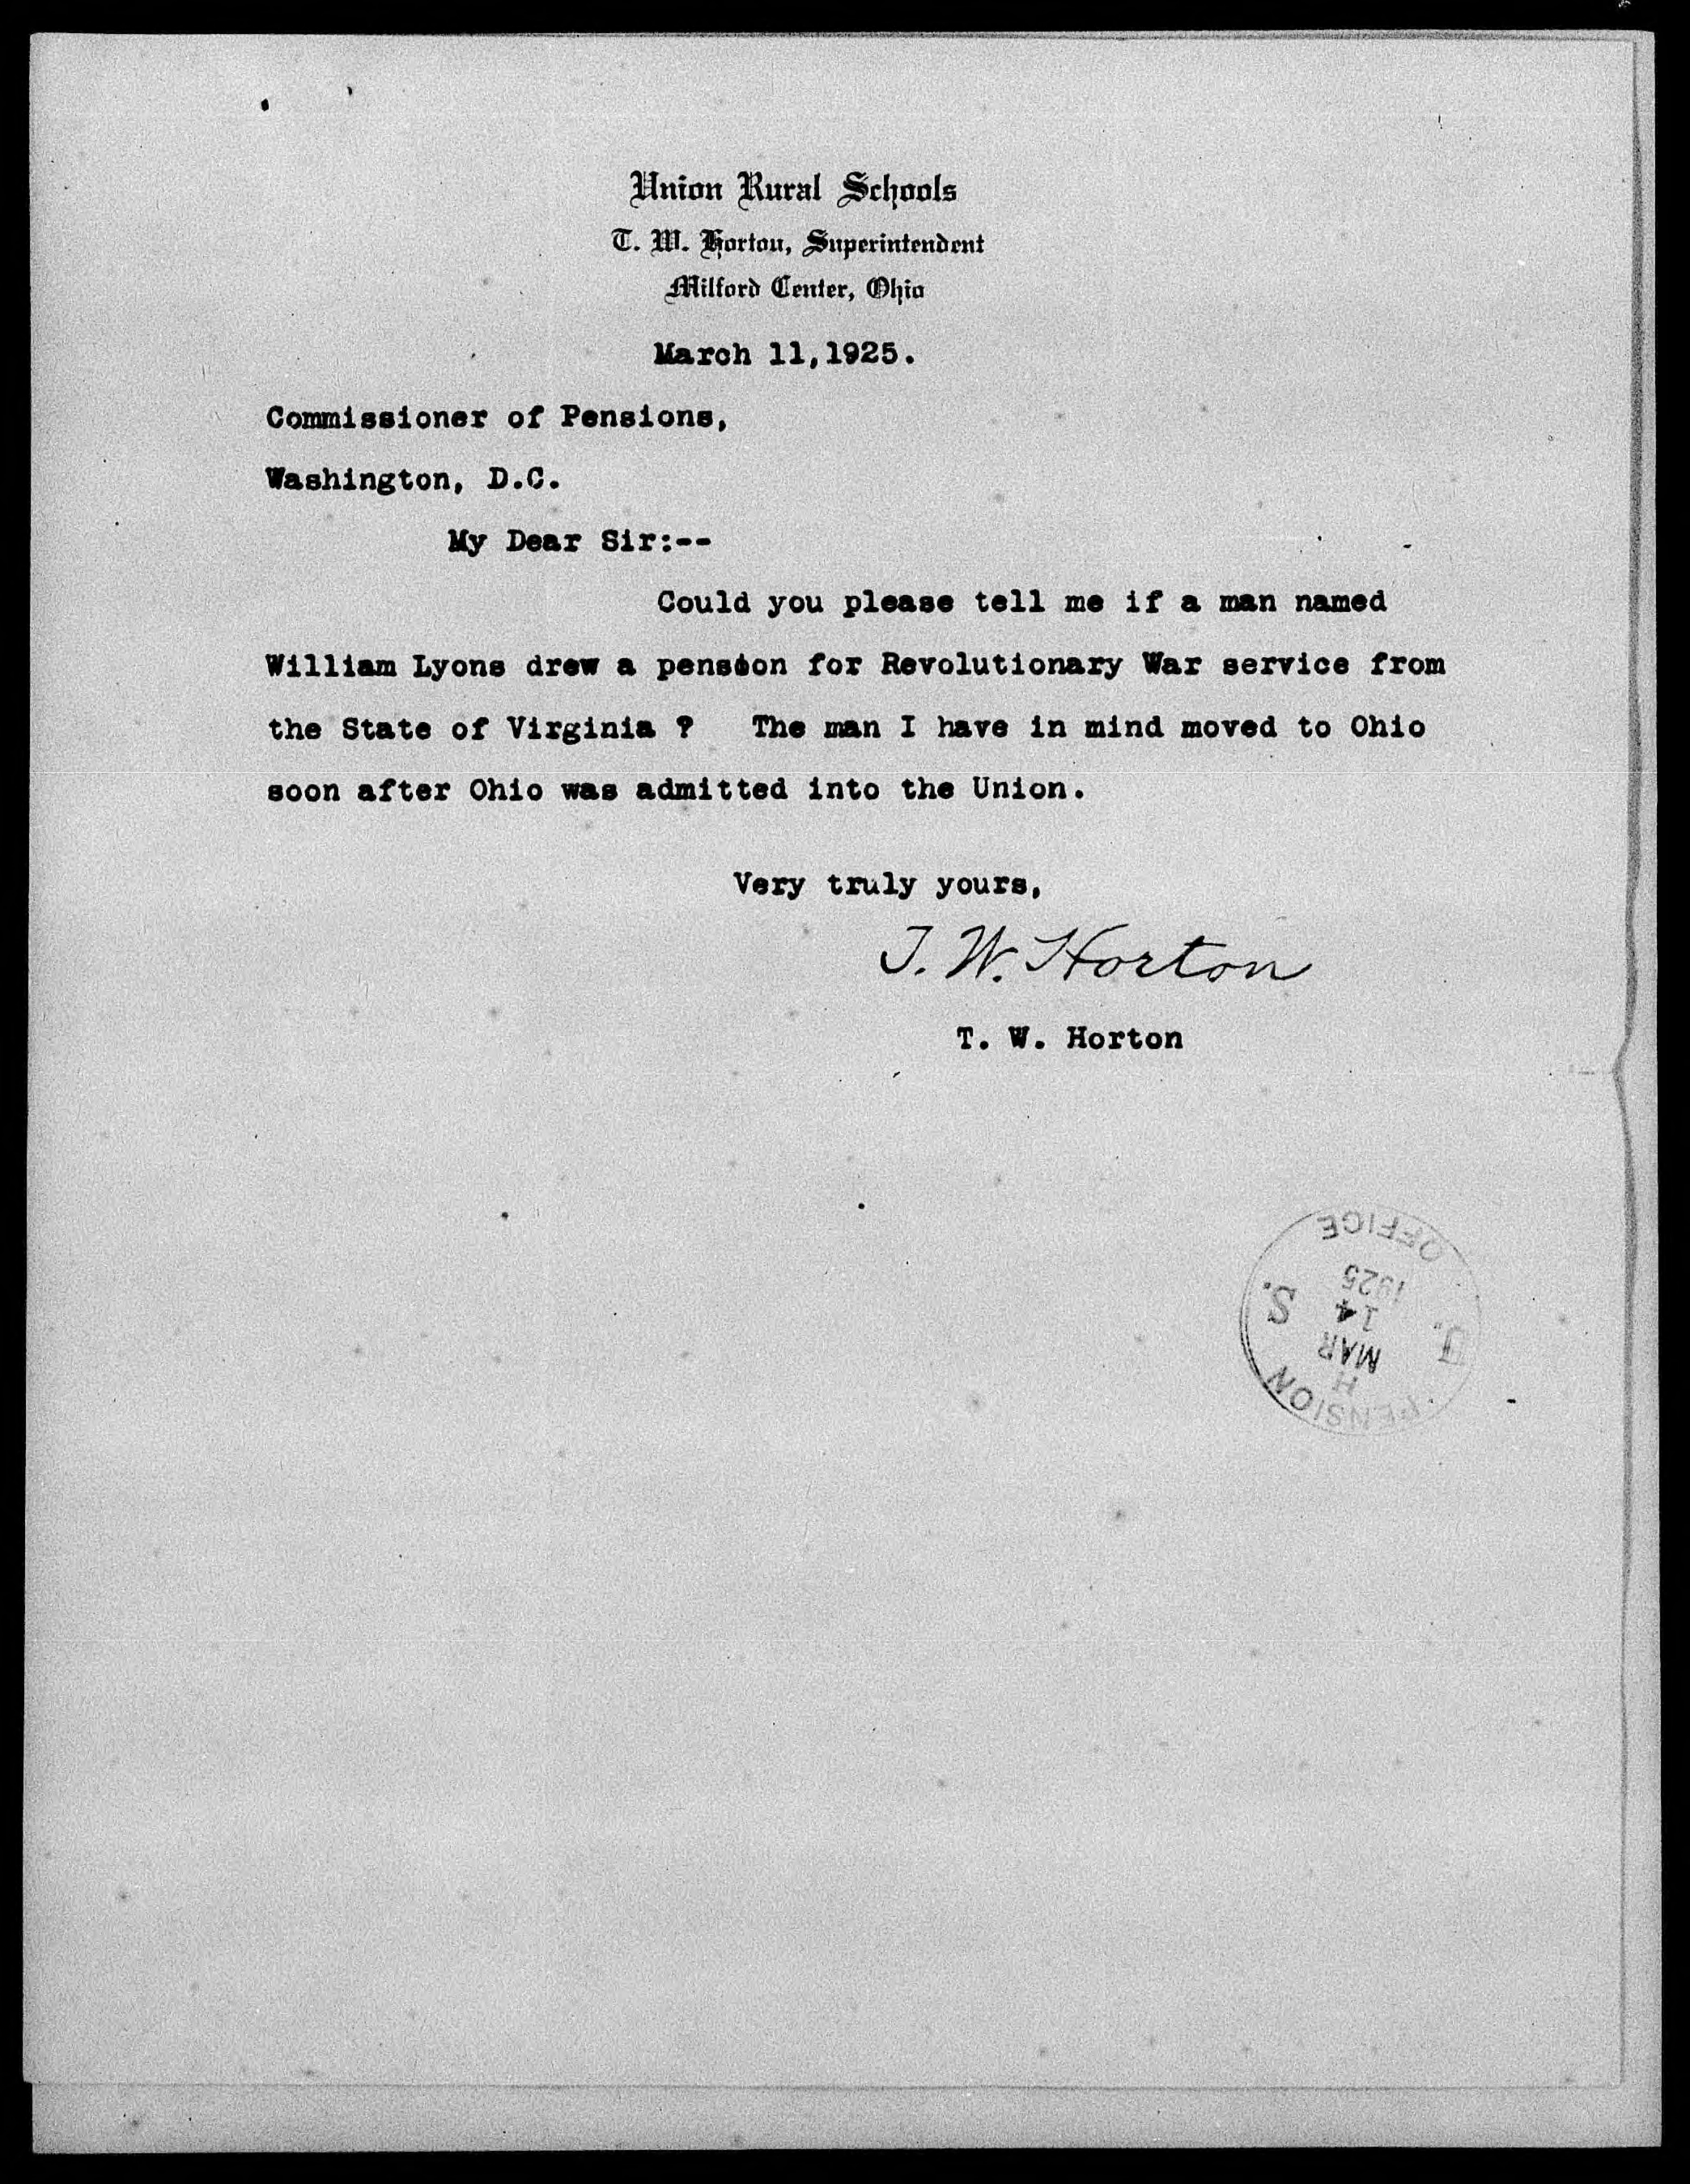Union Rural Schools
C.W. Horton, Superintendent
Milford Center, Ohio
March 11, 1925
Commissioner of Pensions,
Washington, D.C.

My Dear Sir:
couly you please tell me if a man named William Lyons drew a pension for Revolutionary War service from the State of Virginia? The man I have in mind moved to Ohio soon after Ohio was admitted into the Unio.
Very true yours,
T.W. Horton
(Seal: Pension Mar 15 1929 Office U. S. )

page: 27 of 41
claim: survivor's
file: S. 4585, for William Lyons, Pennsylvania